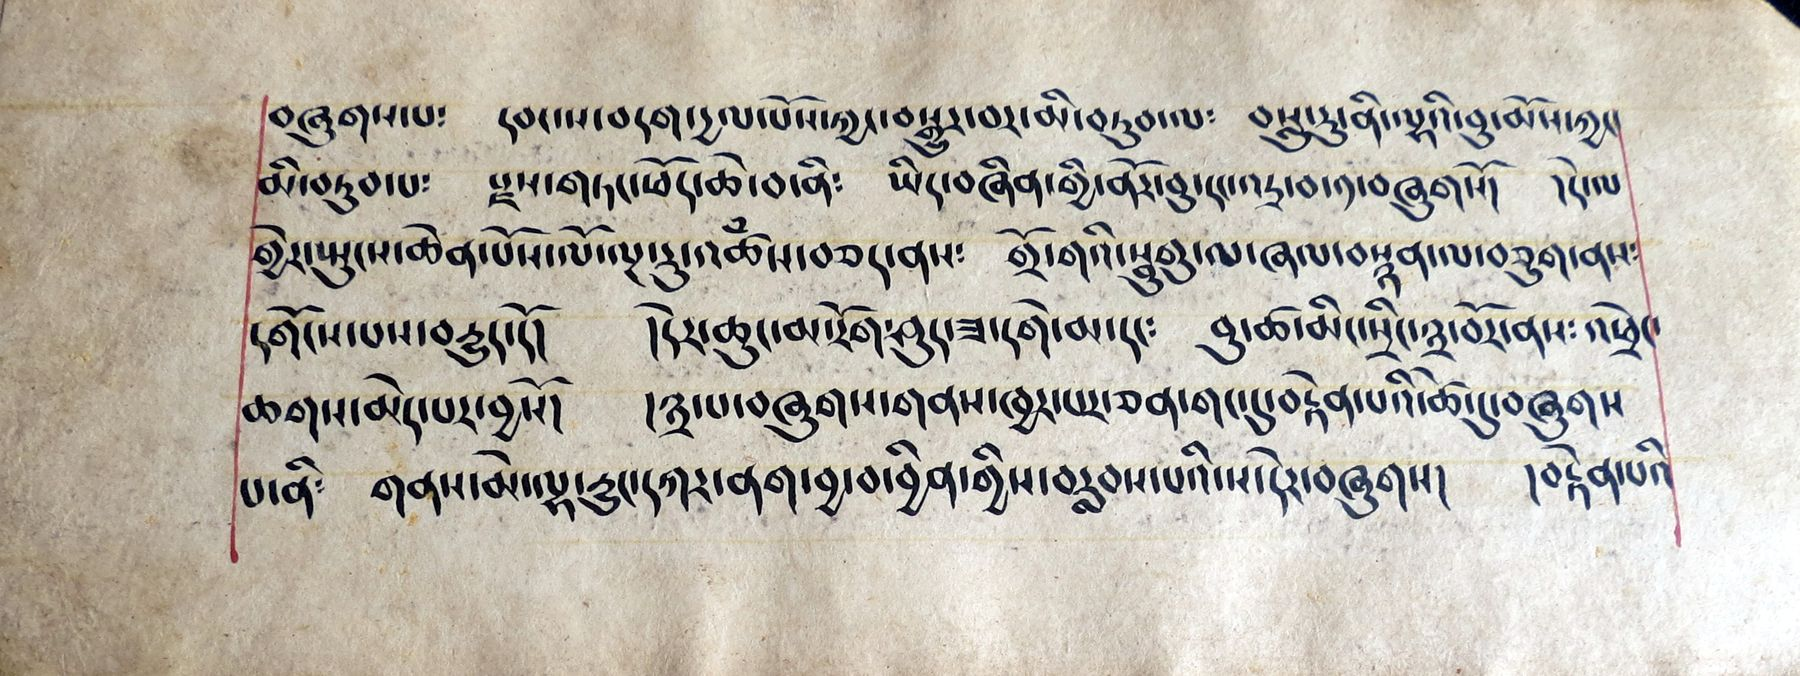བཞུགས་པ། དབང་ས་བདག་རྒྱལ་པོས་ཀྱང་བསྒྱུར་བར་མི་བཏུབ་ལ། བསླུ་རུ་ནི་ལྷའི་བུ་མོས་ཀྱང་
མི་ཁུགས་པ། རྫས་གཏང་ཕོད་ཆེ་བ་ནི་ཡིད་བཞིན་གྱི་ནོར་བུ་དང་འདྲ་བ་ཅིག་བཞུགས་སོ། །དེ་ལ་
གྱེར་སྤུངས་ཆེན་པོས་ལོ་ལྔ་རུ་མཚམས་བཅད་ནས་གྲོ་གའི་སྦུ་གུ་ལ་ཞལ་བསྙན་ལ་བཅུག་ནས་
དགོངས་པས་བརྒྱུད་དོ། །དེར་ཆུང་མ་རོག་ཤུད་ཟ་དགེ་མ་དང་། བུ་ཚ་མིང་སྲིང་གསུམ་བོར་ནས་འཕྲིང་
ཆགས་མེད་པར་བྱས་སོ། །གསུམ་པ་བཞུགས་གནས་ཁྱད་པར་ཅན་གང་དུ་བཞུགས་
པ་ནི། གནས་མེ་ལྷ་རྒྱུང་དཀར་ནག་བྱ་བ་བྱིན་གྱིས་བརླབས་པའི་ས་དེར་བཞུགས། བརྟེན་པའི་